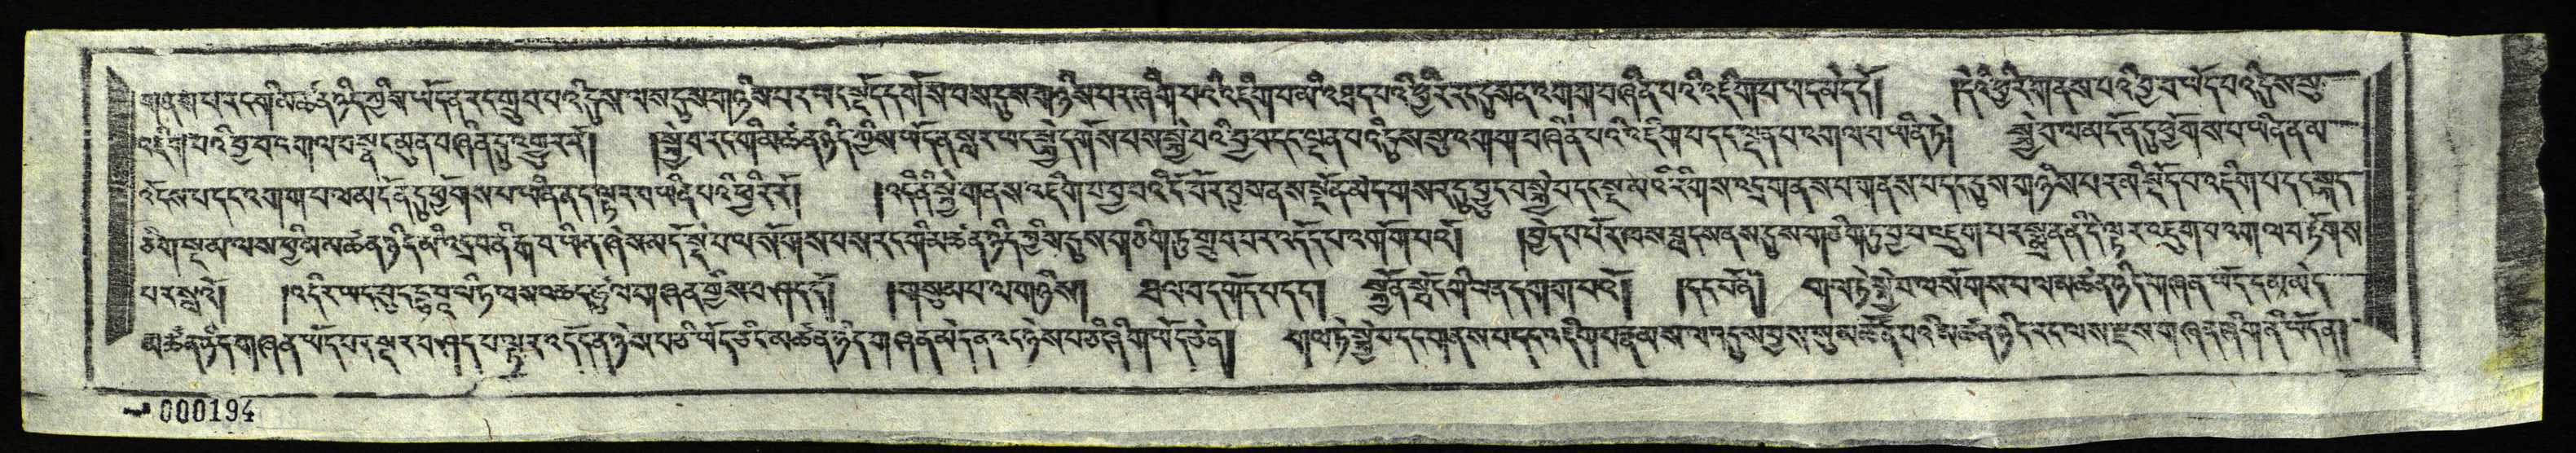གནས་པ་རང་གི་མཚན་ཉིད་ཀྱིས་ཡོད་ན་རང་གྲུབ་པའི་དུས་ལས་དུས་གཉིས་པར་ཡང་སྡོད་དགོས་པས་དུས་གཉིས་པར་ཞིག་པའི་འཇིག་པ་མི་འཐད་པའི་ཕྱིར་རང་དུས་ན་འགག་བཞིན་པའི་འཇིག་པ་ཡང་མེད་དོ། །དེའི་ཕྱིར་གནས་པའི་བྱ་བ་ཡོད་པའི་དུས་སུ་
འཇིག་པའི་བྱ་བ་འགལ་བ་སྣང་མུན་བཞིན་དུ་འགྱུར་རོ། །སྐྱེ་བ་རང་གི་མཚན་ཉིད་ཀྱིས་ཡོད་ན་སླར་ཡང་སྐྱེ་དགོས་པས་སྐྱེ་བའི་བྱ་བ་དང་ལྡན་པའི་དུས་སུ་འགག་བཞིན་པའི་འཇིག་པ་དང་ལྡན་པ་འགལ་བ་ཡིན་ཏེ། སྐྱེ་བ་ལ་མངོན་དུ་ཕྱོགས་པ་ཡིན་ནམ་
འོངས་པ་དང་འགག་པ་ལ་མངོན་དུ་ཕྱོགས་པ་ཡིན་ན་ད་ལྟར་བ་ཡིན་པའི་ཕྱིར་རོ། །འདི་ནི་སྐྱེ་གནས་འཇིག་པ་བྱ་བའི་ངོ་བོར་བྱས་ནས་སྔོན་མེད་གསར་དུ་བྱུང་བ་སྐྱེ་བ་དང་སྔ་མའི་རིགས་འདྲ་གནས་པ་གནས་པ་དང་དུས་གཉིས་པར་མི་སྡོད་པ་འཇིག་པ་དང་སྐད་
ཅིག་སྔ་མ་ལས་ཕྱི་མ་མཚན་ཉིད་མི་འདྲ་བ་ནི་རྒ་བ་ཡིན་ཞེས་མདོ་སྡེ་བ་ལ་སོགས་པས་རང་གི་མཚན་ཉིད་ཀྱིས་དུས་གཅིག་ཏུ་གྲུབ་པར་འདོད་པ་འགོག་པའོ། །བྱེད་པ་པོར་ཁས་བླངས་ནས་དུས་གཅིག་ཏུ་བྱ་བ་འཇུག་པར་སྨྲ་ན་ནི་དེ་ལྟར་འཇུག་པ་འགལ་བ་རྟོགས་
པར་སླའོ། །འདིར་ཡང་བུད་དྷ་བཱ་ལི་ཏ་ལས་འཆད་ཚུལ་གཞན་གྱིས་བཤད་དོ། །གསུམ་པ་ལ་གཉིས། ཐལ་བ་དགོད་པ་དང་། སྐྱོན་རྶྤོང་གི་ལན་དགག་པའོ། །དང་པོ་ནི། གལ་ཏེ་སྐྱེ་བ་ལ་སོགས་པ་ལ་མཚན་ཉིད་གཞན་ཡོད་དམ་མེད་
མཚན་ཉིད་གཞན་ཡོད་པར་སྔར་བཤད་པ་ལྟར་འདོད་ན་ཉེས་པ་ཅི་ཡོད་ཅིང་མཚན་ཉིད་གཞན་མེད་ནའང་ཉེས་པ་ཅི་ཞིག་ཡོད་ཅེ་ན། གལ་ཏེ་སྐྱེ་བ་དང་གནས་པ་དང་འཇིག་པ་རྣམས་ལ་འདུས་བྱས་སུ་མཚོན་པའི་མཚན་ཉིད་རང་ལས་རྫས་གཞན་ཞིག་ནི་ཡོད་ན།